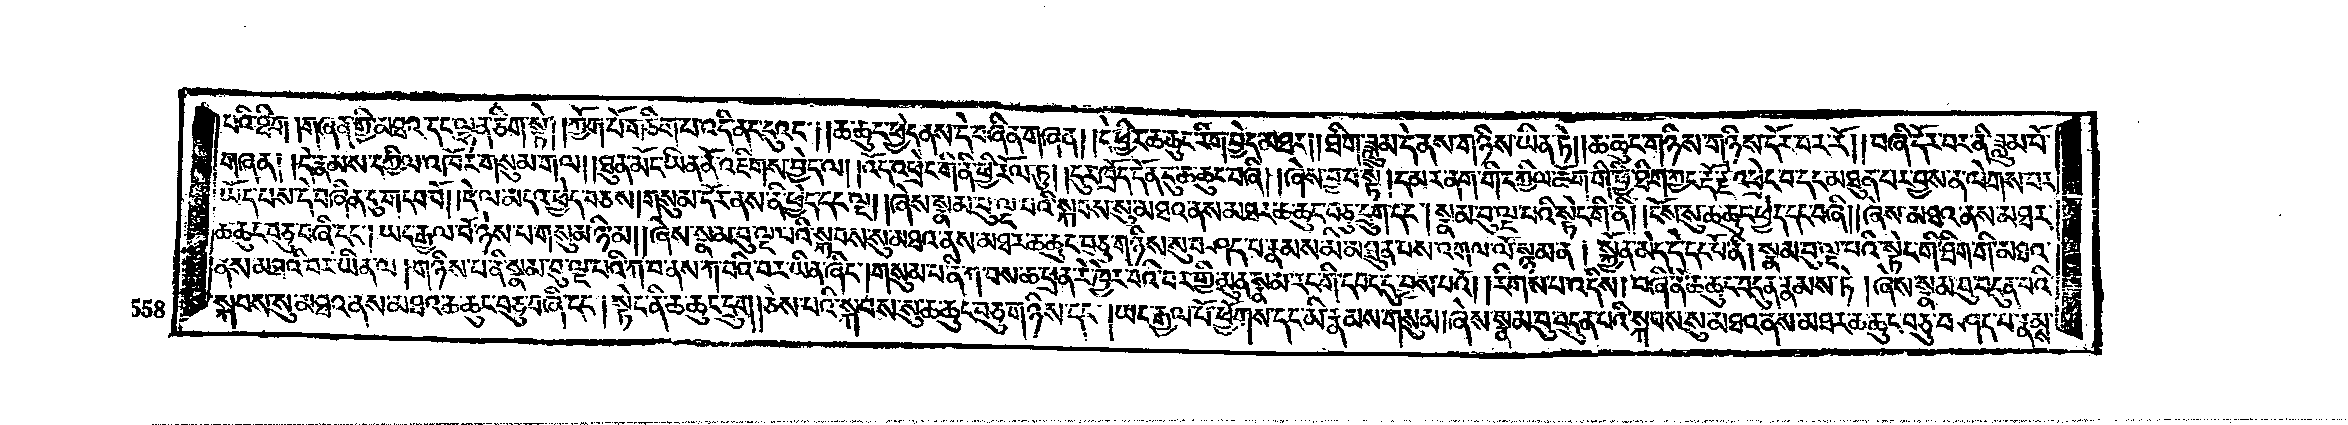པའི་ཐིག །གཞན་གྱི་མཐའ་དང་ལྷན་ཅིག་སྟེ། །ཀྱོག་པོ་གཅིག་པ་འདི་ནང་དུའང་། །ཆ་ཆུང་ཕྱེད་ནས་དེ་བཞིན་གཞན། །དེ་ཕྱིར་ཆ་ཆུང་རིག་བྱེད་མཐར། །ཐིག་ཟླུམ་དེ་ནས་གཉིས་ཡིན་ཏེ། །ཆ་ཆུང་གཉིས་གཉིས་དོར་བར་རོ། །བཞི་དོར་བར་ནི་ཟླུམ་པོ་
གཞན། །དེ་རྣམས་དཀྱིལ་འཁོར་གསུམ་གལ། །ཐུན་མོང་ཡིན་ནོ་འཇིགས་བྱེད་ལ། །འོད་འཕྲེང་གི་ནི་ཕྱི་རོལ་ཏུ། །དུར་ཁྲོད་དོན་དུ་ཆ་ཆུང་བཞི། །ཞེས་བྱ་བ་སྟེ། དམར་ནག་གི་དཀྱིལ་ཆོག་གི་ཕྱི་ཐིག་ཀྱང་རྡོ་རྗེ་འཕྲེང་བ་དང་མཐུན་པར་བྱས་ན་ལེགས་པར་
ཡོད་པས་དེ་བཞིན་དུ་གདབ་བོ། །དེ་ལ་མདའ་ཕྱེད་བཅས། གསུམ་དོར་ནས་ནི་ཕྱེད་དང་ལྔ། །ཞེས་སྣམ་བུ་ལྔ་པའི་སྐབས་སུ་མཐའ་ནས་མཐར་ཆ་ཆུང་བཅུ་དྲུག་དང་། སྣམ་བུ་ལྔ་པའི་སྟེང་གི་ནི། །ངོས་སུ་ཆ་ཆུང་ཕྱེད་དང་བཞི། །ཞེས་མཐའ་ནས་མཐར་
ཆ་ཆུང་བཅུ་བཞི་དང་། ཡང་རྒྱལ་པོ་ཉེས་པ་གསུམ་ཉི་མ། །ཞེས་སྣམ་བུ་ལྔ་པའི་སྐབས་སུ་མཐའ་ནས་མཐར་ཆ་ཆུང་བཅུ་གཉིས་སུ་བཤད་པ་རྣམས་མི་མཐུན་པས་འགལ་ལོ་སྙམ་ན། སྐྱོན་མེད་དེ་དང་པོ་ནི། སྣམ་བུ་ལྔ་པའི་སྟེང་གི་ཐིག་གི་མཐའ་
ནས་མཐའི་བར་ཡིན་ལ། གཉིས་པ་ནི་སྣམ་བུ་ལྔ་པའི་ཀ་བ་ནས་ཀ་བའི་བར་ཡིན་ཞིང་། གསུམ་པ་ནི་ཀ་བས་ཆ་ཕྲན་རེ་ཁྱེར་བའི་བར་གྱི་མུན་སྣམ་རང་གི་དབང་དུ་བྱས་པའོ། །རིགས་པ་འདིས། བཞི་ནི་ཆ་ཆུང་བདུན་རྣམས་ཏེ། ཞེས་སྣམ་བུ་བདུན་པའི་
སྐབས་སུ་མཐའ་ནས་མཐའ་ཆ་ཆུང་བཅུ་བཞི་དང་། སྟེང་ནི་ཆ་ཆུང་དྲུག །ཅེས་པའི་སྐབས་སུ་ཆ་ཆུང་བཅུ་གཉིས་དང་། ཡང་རྒྱལ་པོ་ཕྱོགས་དང་མི་རྣམས་གསུམ། ཞེས་སྣམ་བུ་བདུན་པའི་སྐབས་སུ་མཐའ་ནས་མཐར་ཆ་ཆུང་བཅུ་བཤད་པ་རྣམས་